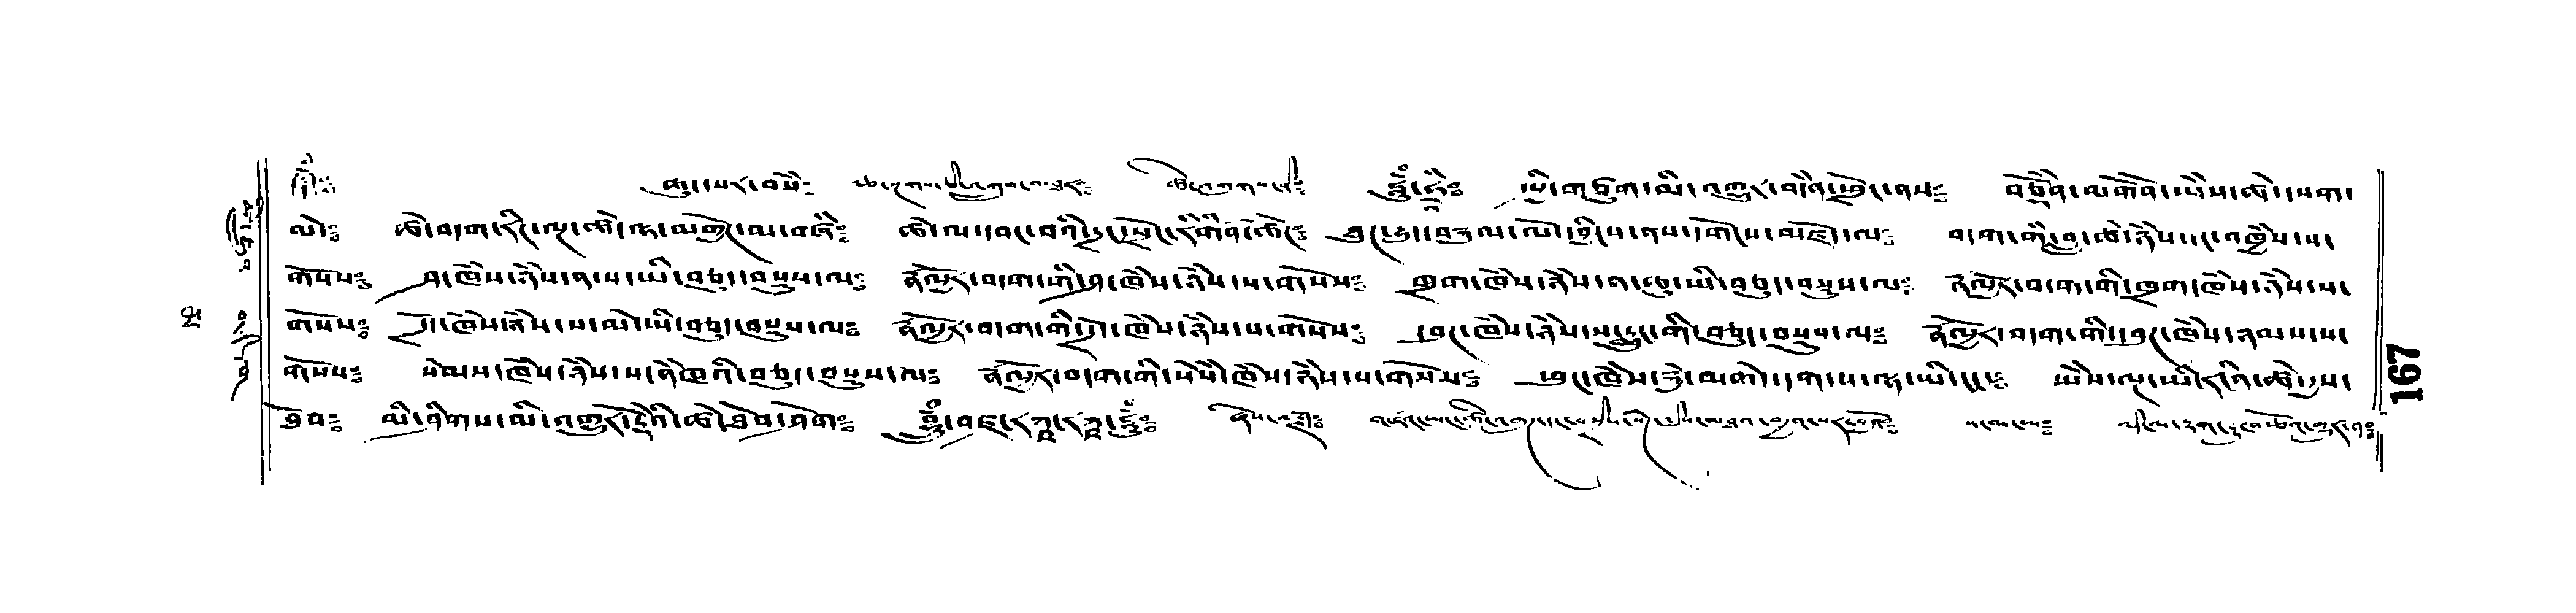ཆུད་པར་བསམ༔ རྩ་སྔགས་ཅི་འགྲུབ་མཐར༔ ཚེ་འགུགས་ནི༔ ཧཱུྃ་ཧྲཱིཿ སྤྱི་གཙུག་མི་འགྱུར་བདེ་ཆེན་ཕོ་བྲང་ནས༔ བཅོམ་ལྡན་མགོན་པོ་ཡེ་ཤེས་ཚེ་དཔག་
མེད༔ ཚེ་བདག་རིགས་ལྔ་ཚེ་ལྷ་མགྱོགས་མ་བཞི༔ ཚེ་ལ་དབང་བའི་དྲང་སྲོང་རིག་འཛིན་ཚོགས༔ ཐུགས་རྒྱུད་བསྐུལ་ལོ་དབྱིངས་ནས་དགོངས་མཛོད་ལ༔ བདག་གི་བླ་ཚེ་ཉམས་དང་འཁྱམས་པ་
གསོས༔ ཤ་ཁམས་ཉམས་ན་ས་ཡི་བཅུད་བསྡུས་ལ༔ རྣལ་འབྱོར་བདག་གི་ཤ་ཁམས་ཉམས་པ་གསོས༔ ཁྲག་ཁམས་ཉམས་ན་ཆུ་ཡི་བཅུད་བསྡུས་ལ༔ རྣལ་འབྱོར་བདག་གི་ཁྲག་ཁམས་ཉམས་པ་
གསོས༔ དྲོད་ཁམས་ཉམས་པ་མེ་ཡི་བཅུད་བསྡུས་ལ༔ རྣལ་འབྱོར་བདག་གི་དྲོད་ཁམས་ཉམས་པ་གསོས༔ དབུགས་ཁམས་ཉམས་པ་རླུང་གི་བཅུད་བསྡུས་ལ༔ རྣལ་འབྱོར་བདག་གི་དབུགས་ཁམས་ཉམས་པ་
གསོས༔ སེམས་ཁམས་ཉམས་པ་ནམ་མཁའི་བཅུད་བསྡུས་ལ༔ རྣལ་འབྱོར་བདག་གི་སེམས་ཁམས་ཉམས་པ་གསོས༔ ཕུང་ཁམས་སྐྱེ་མཆེད་དག་པ་ལྷ་ཡི་ངང༔ ཡེ་ཤེས་ལྔ་ཡི་རང་བཞིན་ཚེ་རྒྱས་
ཐོབ༔ མི་ཤིགས་མི་འགྱུར་རྡོ་རྗེའི་ཚེ་ཐོབ་ཤོག༔ བྷྲཱུྃ་བཛྲ་རཀྵ་རཀྵ་ཧཱུྃ༔ ཞེས་བརྗོད༔ གཞན་ཡང་ཚེ་འགུགས་དང་བཀྲ་ཤིས་སོགས་ཀྱིས་མཐའ་བརྒྱན་པར་བྱའོ༔ ས་མ་ཡ༔ འདི་ལ་རྟག་ཏུ་བརྩོན་གྱུར་ན༔